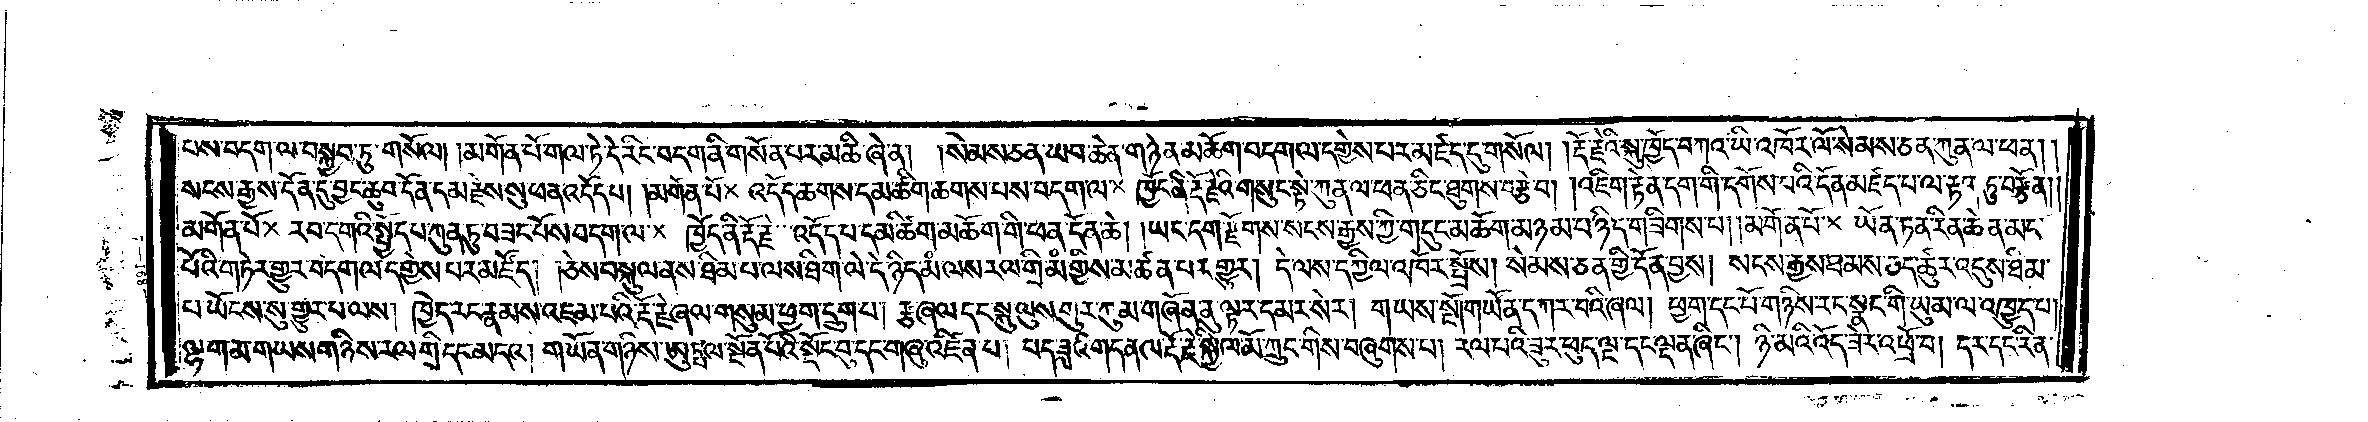པས་བདག་ལ་བསྐྱབ་ཏུ་གསོལ། །མགོན་པོ་གལ་ཏེ་དེ་རིང་བདག་ནི་གསོན་པར་མཆི་ཞེ་ན། །སེམས་ཅན་ཡབ་ཆེན་གཉེན་མཆོག་བདག་ལ་དགྱེས་པར་མཛད་དུ་གསོལ། །རྡོ་རྗེའི་སྐུ་ཁྱོད་བཀའ་ཡི་འཁོར་ལོ་སེམས་ཅན་ཀུན་ལ་ཕན།
སངས་རྒྱས་དོན་དུ་བྱང་ཆུབ་དོན་དམ་རྗེས་སུ་ཕན་འདོད་པ། །མགོན་པོ་྾་འདོད་ཆགས་དམ་ཚིག་ཆགས་པས་བདག་ལ་྾་ཁྱོད་ནི་རྡོ་རྗེའི་གསུང་སྟེ་ཀུན་ལ་ཕན་ཅིང་ཐུགས་བརྩེ་བ། །འཇིག་རྟེན་དག་གི་དགོས་པའི་དོན་མཛད་པ་ལ་རྟག་ཏུ་བརྩོན་
མགོན་པོ་྾་རབ་དགའི་སྤྱོད་པ་ཀུན་ཏུ་བཟང་པོས་བདག་ལ་྾་ཁྱོད་ནི་རྡོ་རྗེ་འདོད་པ་དམ་ཚིག་མཆོག་གི་ཕན་དོན་ཆེ། །ཡང་དག་རྫོགས་སངས་རྒྱས་ཀྱི་གདུང་མཆོག་མཉམ་པ་ཉིད་གཟིགས་པ། །མགོན་པོ་྾་ཡོན་ཏན་རིན་ཆེན་མང་
པོའི་གཏེར་གྱུར་བདག་ལ་དགྱེས་པར་མཛོད། །ཅེས་བསྐུལ་ནས་ཐིམ་པ་ལས་ཐིག་ལེ་དེ་ཉིད་མཾ་ལས་རལ་གྲི་མཾ་གྱིས་མཚན་པར་གྱུར། དེ་ལས་དཀྱིལ་འཁོར་སྤྲོས། སེམས་ཅན་གྱི་དོན་བྱས། སངས་རྒྱས་ཐམས་ཅད་ཚུར་འདུས་ཐིམ་
པ་ཡོངས་སུ་གྱུར་པ་ལས། ཁྱེད་རང་རྣམས་འཇམ་པའི་རྡོ་རྗེ་ཞལ་གསུམ་ཕྱག་དྲུག་པ། རྩ་ཞལ་དང་སྐུ་ལུས་གུར་ཀུམ་གཞོན་ནུ་ལྟར་དམར་སེར། གཡས་སྔོ་གཡོན་དཀར་བའི་ཞལ། ཕྱག་དང་པོ་གཉིས་རང་སྣང་གི་ཡུམ་ལ་འཁྱུད་པ་
ལྷག་མ་གཡས་གཉིས་རལ་གྲི་དང་མདའ། གཡོན་གཉིས་ཨུཏྤལ་སྔོན་པོའི་སྡོང་བུ་དང་གཞུ་འཛིན་པ། པདམ་ཟླའི་གདན་ལ་རྡོ་རྗེ་སྐྱིལ་མོ་ཀྲུང་གིས་བཞུགས་པ། རལ་པའི་ཟུར་ཕུད་ལྔ་དང་ལྡན་ཞིང་། ཉི་མའི་འོད་ཟེར་འཕྲོ་བ། དར་དང་རིན་